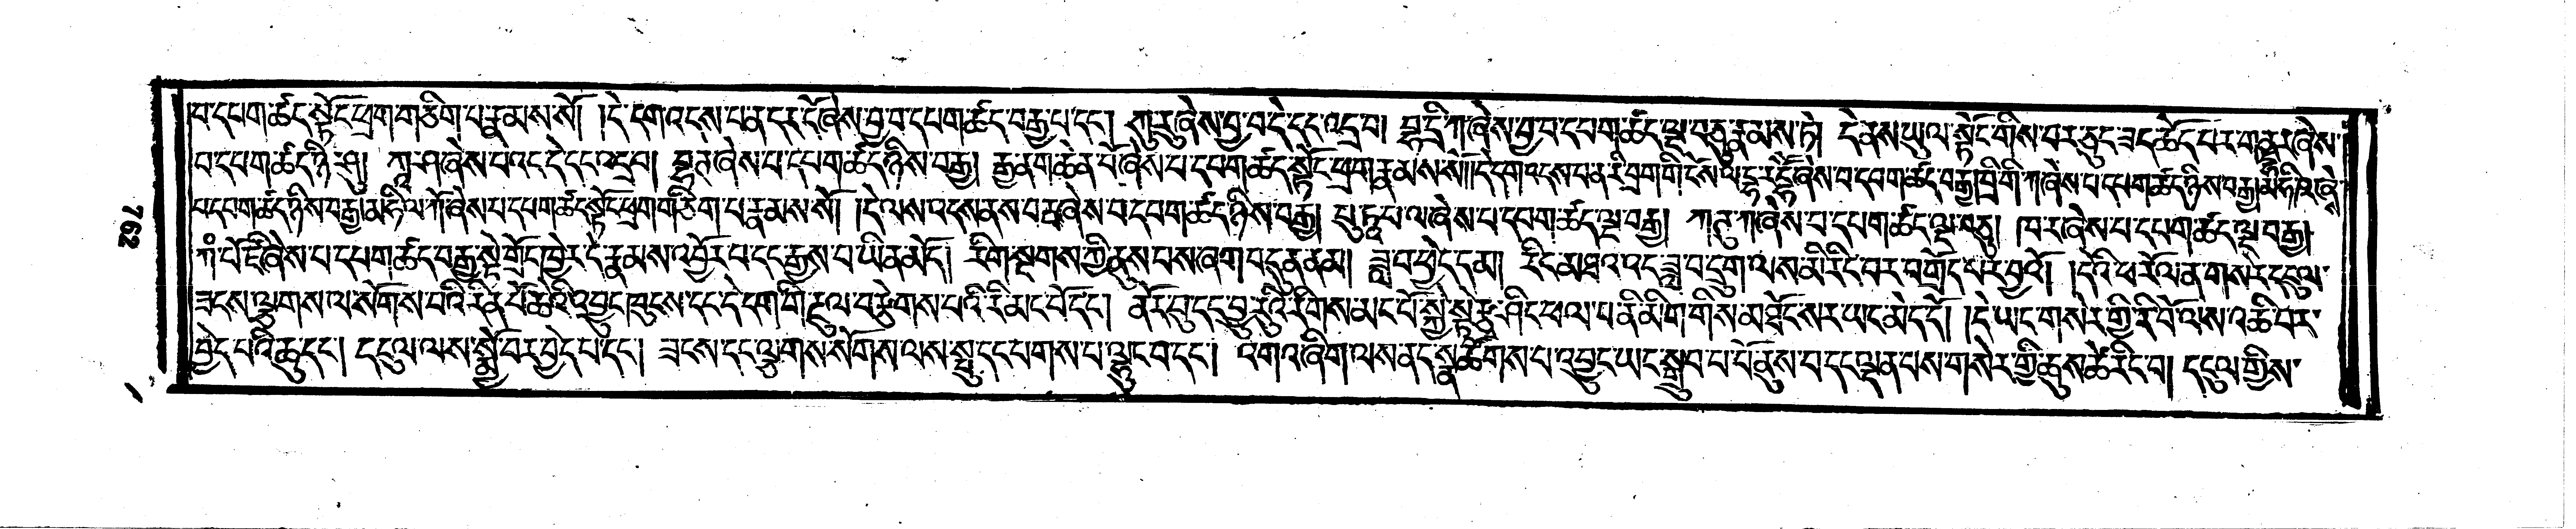བ་དཔག་ཚད་སྟོང་ཕྲག་གཅིག་པ་རྣམས་སོ། །དེ་དག་འདས་པ་ན་དར་དོ་ཞེས་བྱ་བ་དཔག་ཚད་བརྒྱ་པ་དང་། ཀུ་རུ་ཞེས་བྱ་བ་དེ་དང་འདྲ་བ། བྷ་དྲི་ཀ་ཞེས་བྱ་བ་དཔག་ཚད་ལྔ་བཅུ་རྣམས་ཏེ། དེ་ནས་ཡུལ་སྟོང་གིས་བར་ཅུང་ཟད་ཆོད་པར་གནྡྷར་ཞེས་
པ་དཔག་ཚད་ཉི་ཤུ། ཀཱ་ཤ་ཞེས་པའང་དེ་དང་འདྲ་བ། བྷཊ་ཞེས་པ་དཔག་ཚད་ཉིས་བརྒྱ། རྒྱ་ནག་ཆེན་པོ་ཞེས་པ་དཔག་ཚད་སྟོང་ཕྲག་རྣམས་སོ། །དེ་དག་འདས་པ་ན་རི་བྲག་གི་ངོས་ལ་དྷ་རེདྷཽ་ཞེས་བ་དཔག་ཚད་བརྒྱ་ཁྲི་གི་ཀ་ཞེས་པ་དཔག་ཚད་ཉིས་བརྒྱ། མིཧ་ཥི་ཞེས་
པ་དཔག་ཚད་ཉིས་བརྒྱ། མཧི་ལ་ཀོ་ཞེས་པ་དཔག་ཚད་སྟོང་ཕྲག་གཅིག་པ་རྣམས་སོ། །དེ་ལས་འདས་ནས་བརྦ་ཞེས་བ་དཔག་ཚད་ཉིས་བརྒྱ། པུ་ཏཱ་པ་ལ་ཞེས་པ་དཔག་ཚད་ལྔ་བརྒྱ། ཀཊུ་ཀ་ཞེས་པ་དཔག་ཚད་ལྔ་བཅུ། ཁ་ར་ཞེས་པ་དཔག་ཚད་ལྔ་བརྒྱ།
ཀཾ་པོ་ཛི་ཞེས་པ་དཔག་ཚད་བརྒྱ་སྟེ་གྲོང་ཁྱེར་དེ་རྣམས་འབྱོར་བ་དང་རྒྱས་པ་ཡིན་མོད། རིག་སྔགས་ཀྱི་ནུས་པས་ཞག་བདུན་ནམ། ཟླ་བ་ཕྱེད་དམ། རིང་མཐའ་འང་ཟླ་བ་དྲུག་ལས་མི་རིང་བར་བགྲོད་པར་བྱའོ། །དེའི་ཕ་རོལ་ན་གསེར་དངུལ་
ཟངས་ལྕགས་ལ་སོགས་པའི་རིན་པོ་ཆེའི་འབྱུང་ཁུངས་དང་དེ་དག་གི་རྔུལ་བརྩེགས་པའི་རི་མང་པོ་དང་། ནོར་བུ་དང་བྱུ་རུའི་རིགས་མང་པོ་སྐྱེ་སྟེ་རྩྭ་ཤིང་ཕལ་པ་ནི་མིག་གིས་མཐོང་སར་ཡང་མེད་དོ། །དེ་ཡང་གསེར་གྱི་རི་བོ་ལས་འཆི་བར་
བྱེད་པའི་ཆུ་དང་། དངུལ་ལས་སྨྱོ་བར་བྱེད་པ་དང་། ཟངས་དང་ལྕགས་སོགས་ལས་སྤུ་དང་པགས་པ་ལྷུང་བ་དང་། འགའ་ཞིག་ལས་ནད་སྣ་ཚོགས་པ་འབྱུང་ཡང་སྒྲུབ་པ་པོ་ནུས་བ་དང་ལྡན་པས་གསེར་གྱི་ཆུས་ཚེ་རིང་བ། དངུལ་གྱིས་